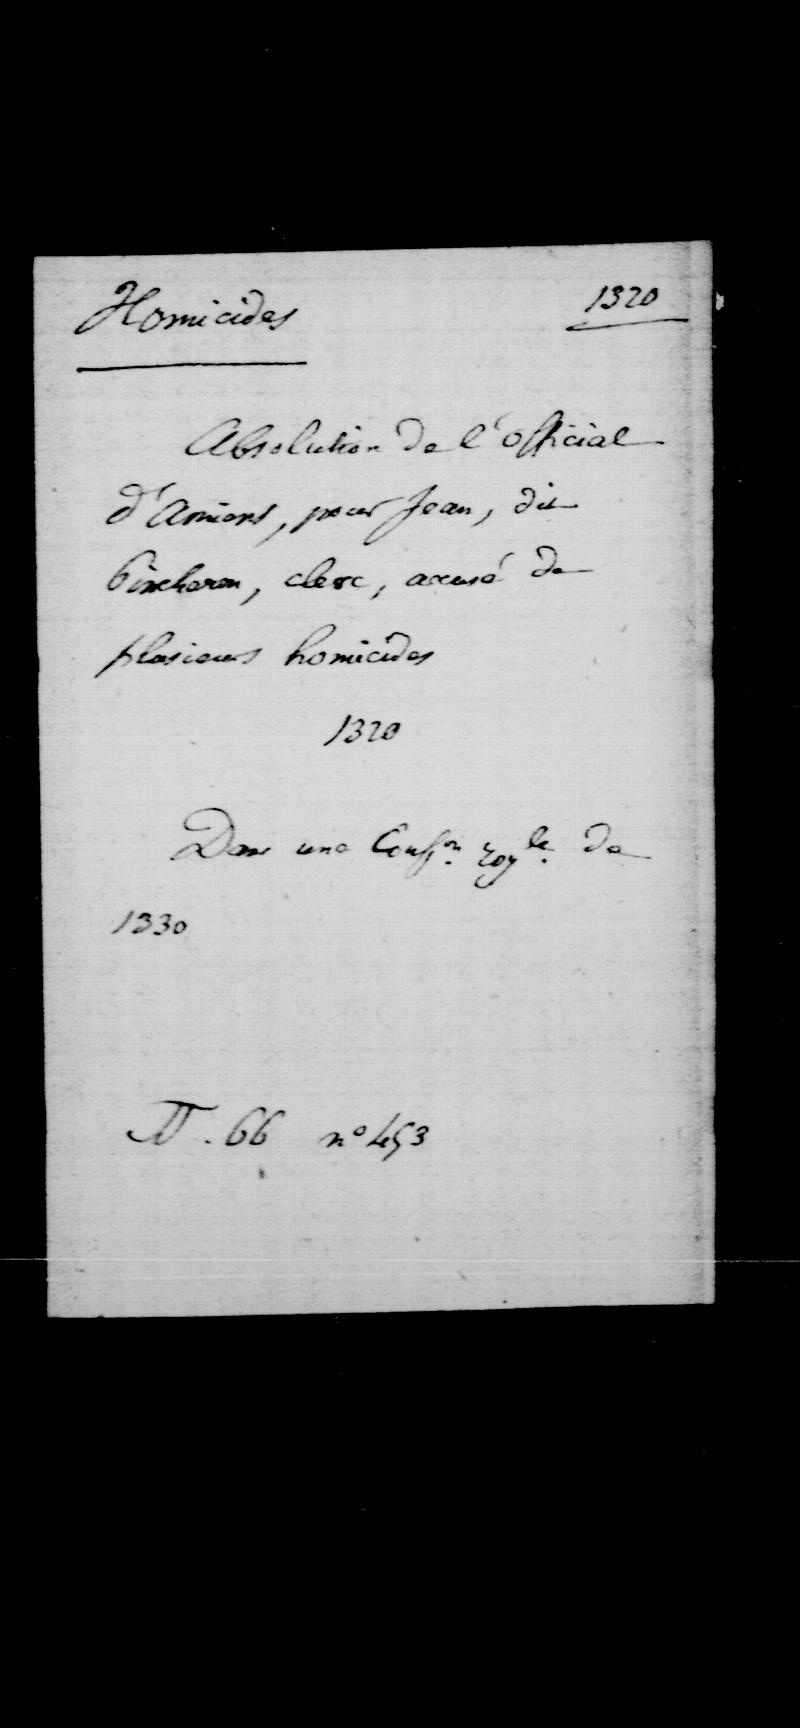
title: Homicides
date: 1320
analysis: Absolution de l'official d'Amiens par Jean, dit Pincheron, clerc, accusé de plusieurs homicides. Dans une confirmation royale de 1320.
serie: JJ
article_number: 66
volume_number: n° 453
